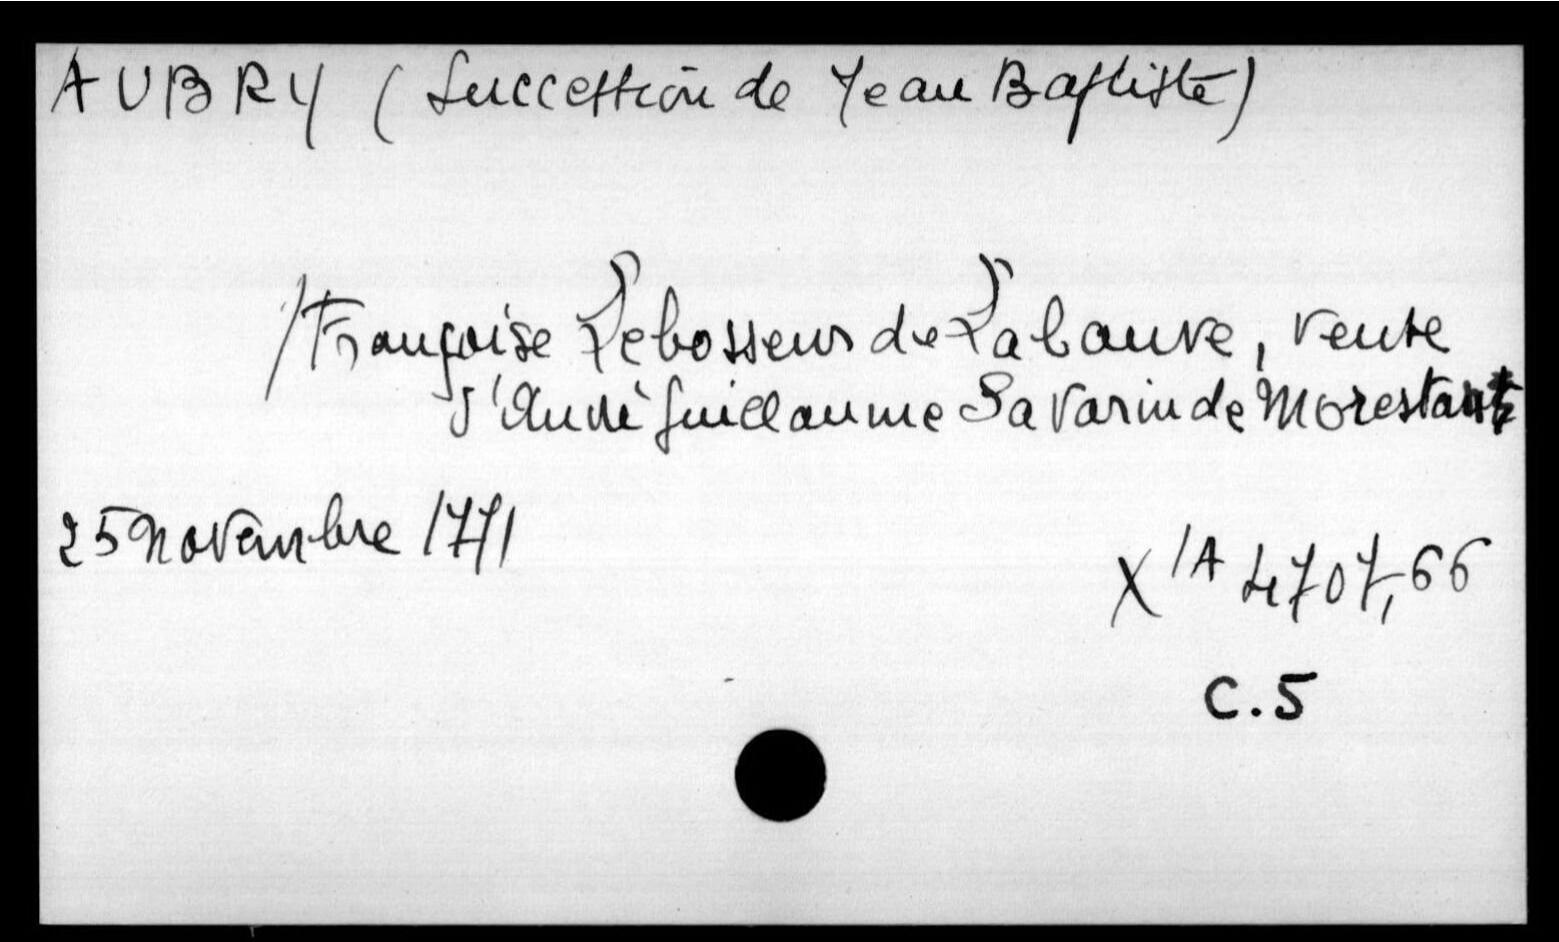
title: AUBRY (Succession de Jean Baptiste)
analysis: Contre Françoise Lebosseur de Labauve, veuve d'André Guillaume Savarin de Morestant
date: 25 novembre 1771
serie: X1A
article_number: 4707
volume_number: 66 Conseil, 5
